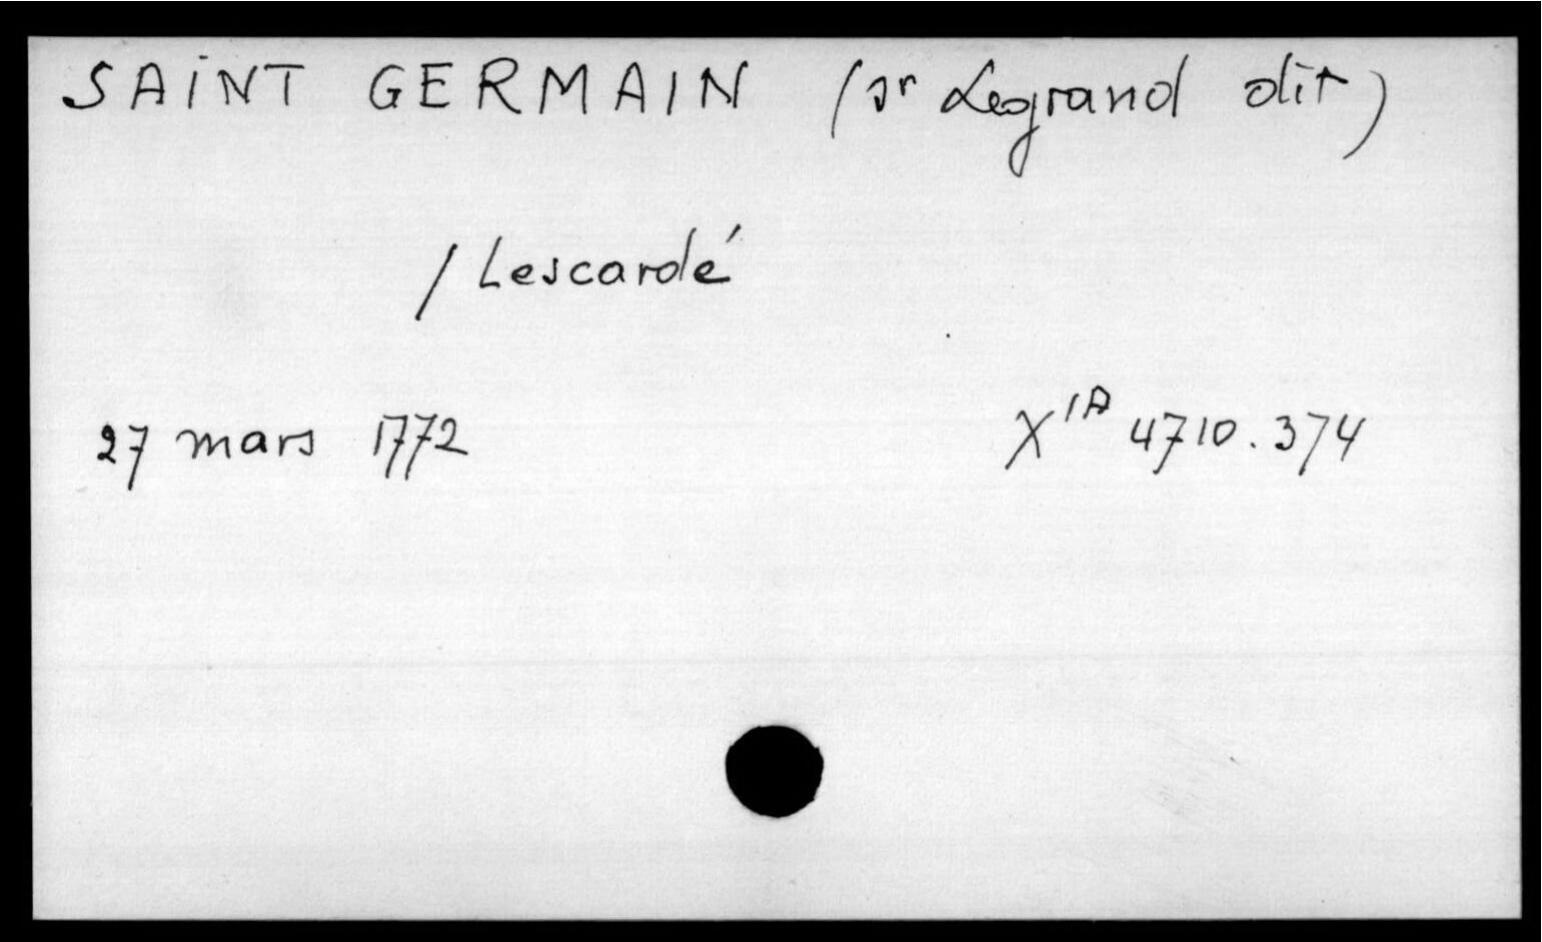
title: SAINT GERMAIN (Sieur Legrand dit)
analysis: Contre Lescardé
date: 27 mars 1772
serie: X1A
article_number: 4710
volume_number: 374
